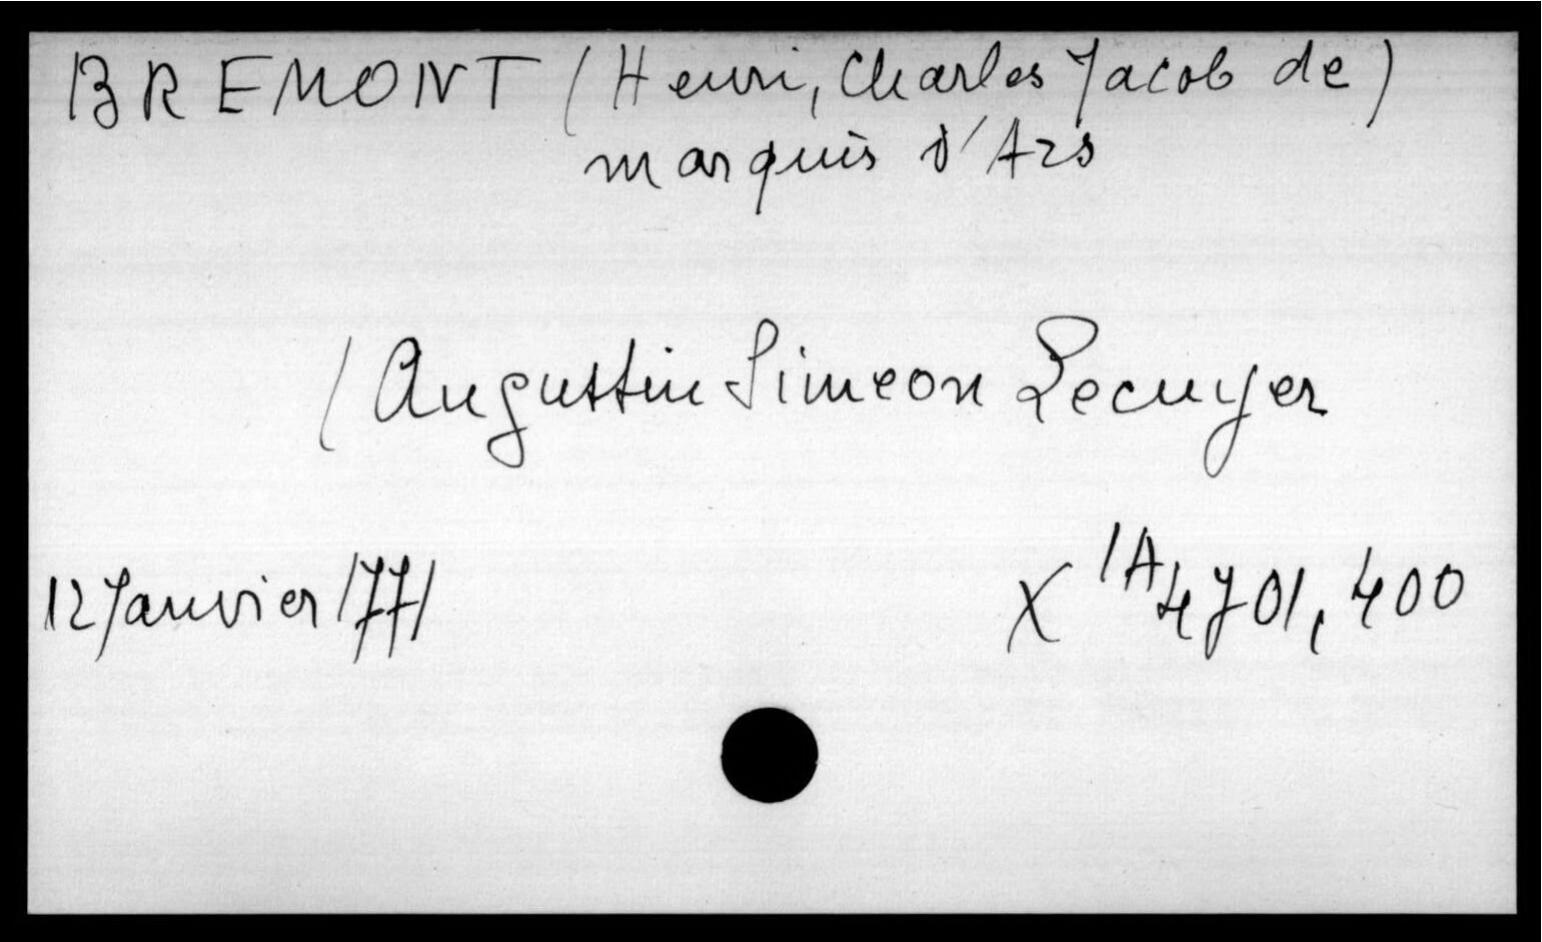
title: BREMONT (Henri, Charles Jacob de) marquis d'Ars
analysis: Contre Augustin Simeon Lecuyer
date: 12 janvier 1771
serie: X1A
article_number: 4701
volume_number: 400
